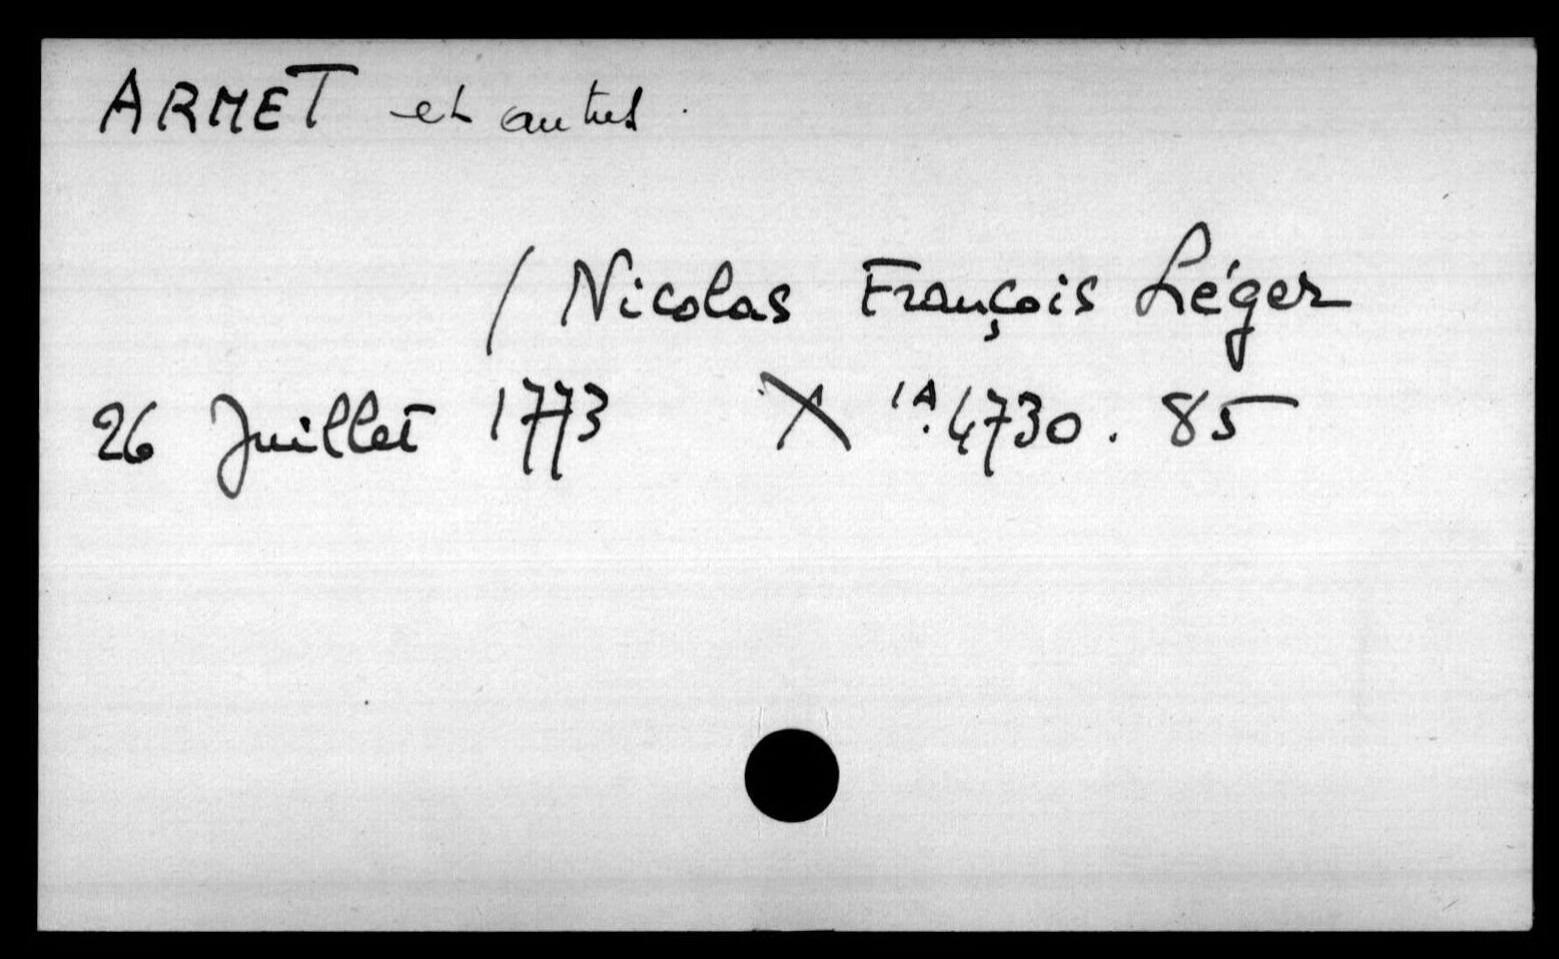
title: ARMET et autres
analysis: Contre Nicolas François Léger
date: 26 juillet 1773
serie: X1A
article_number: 4730
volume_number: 85
